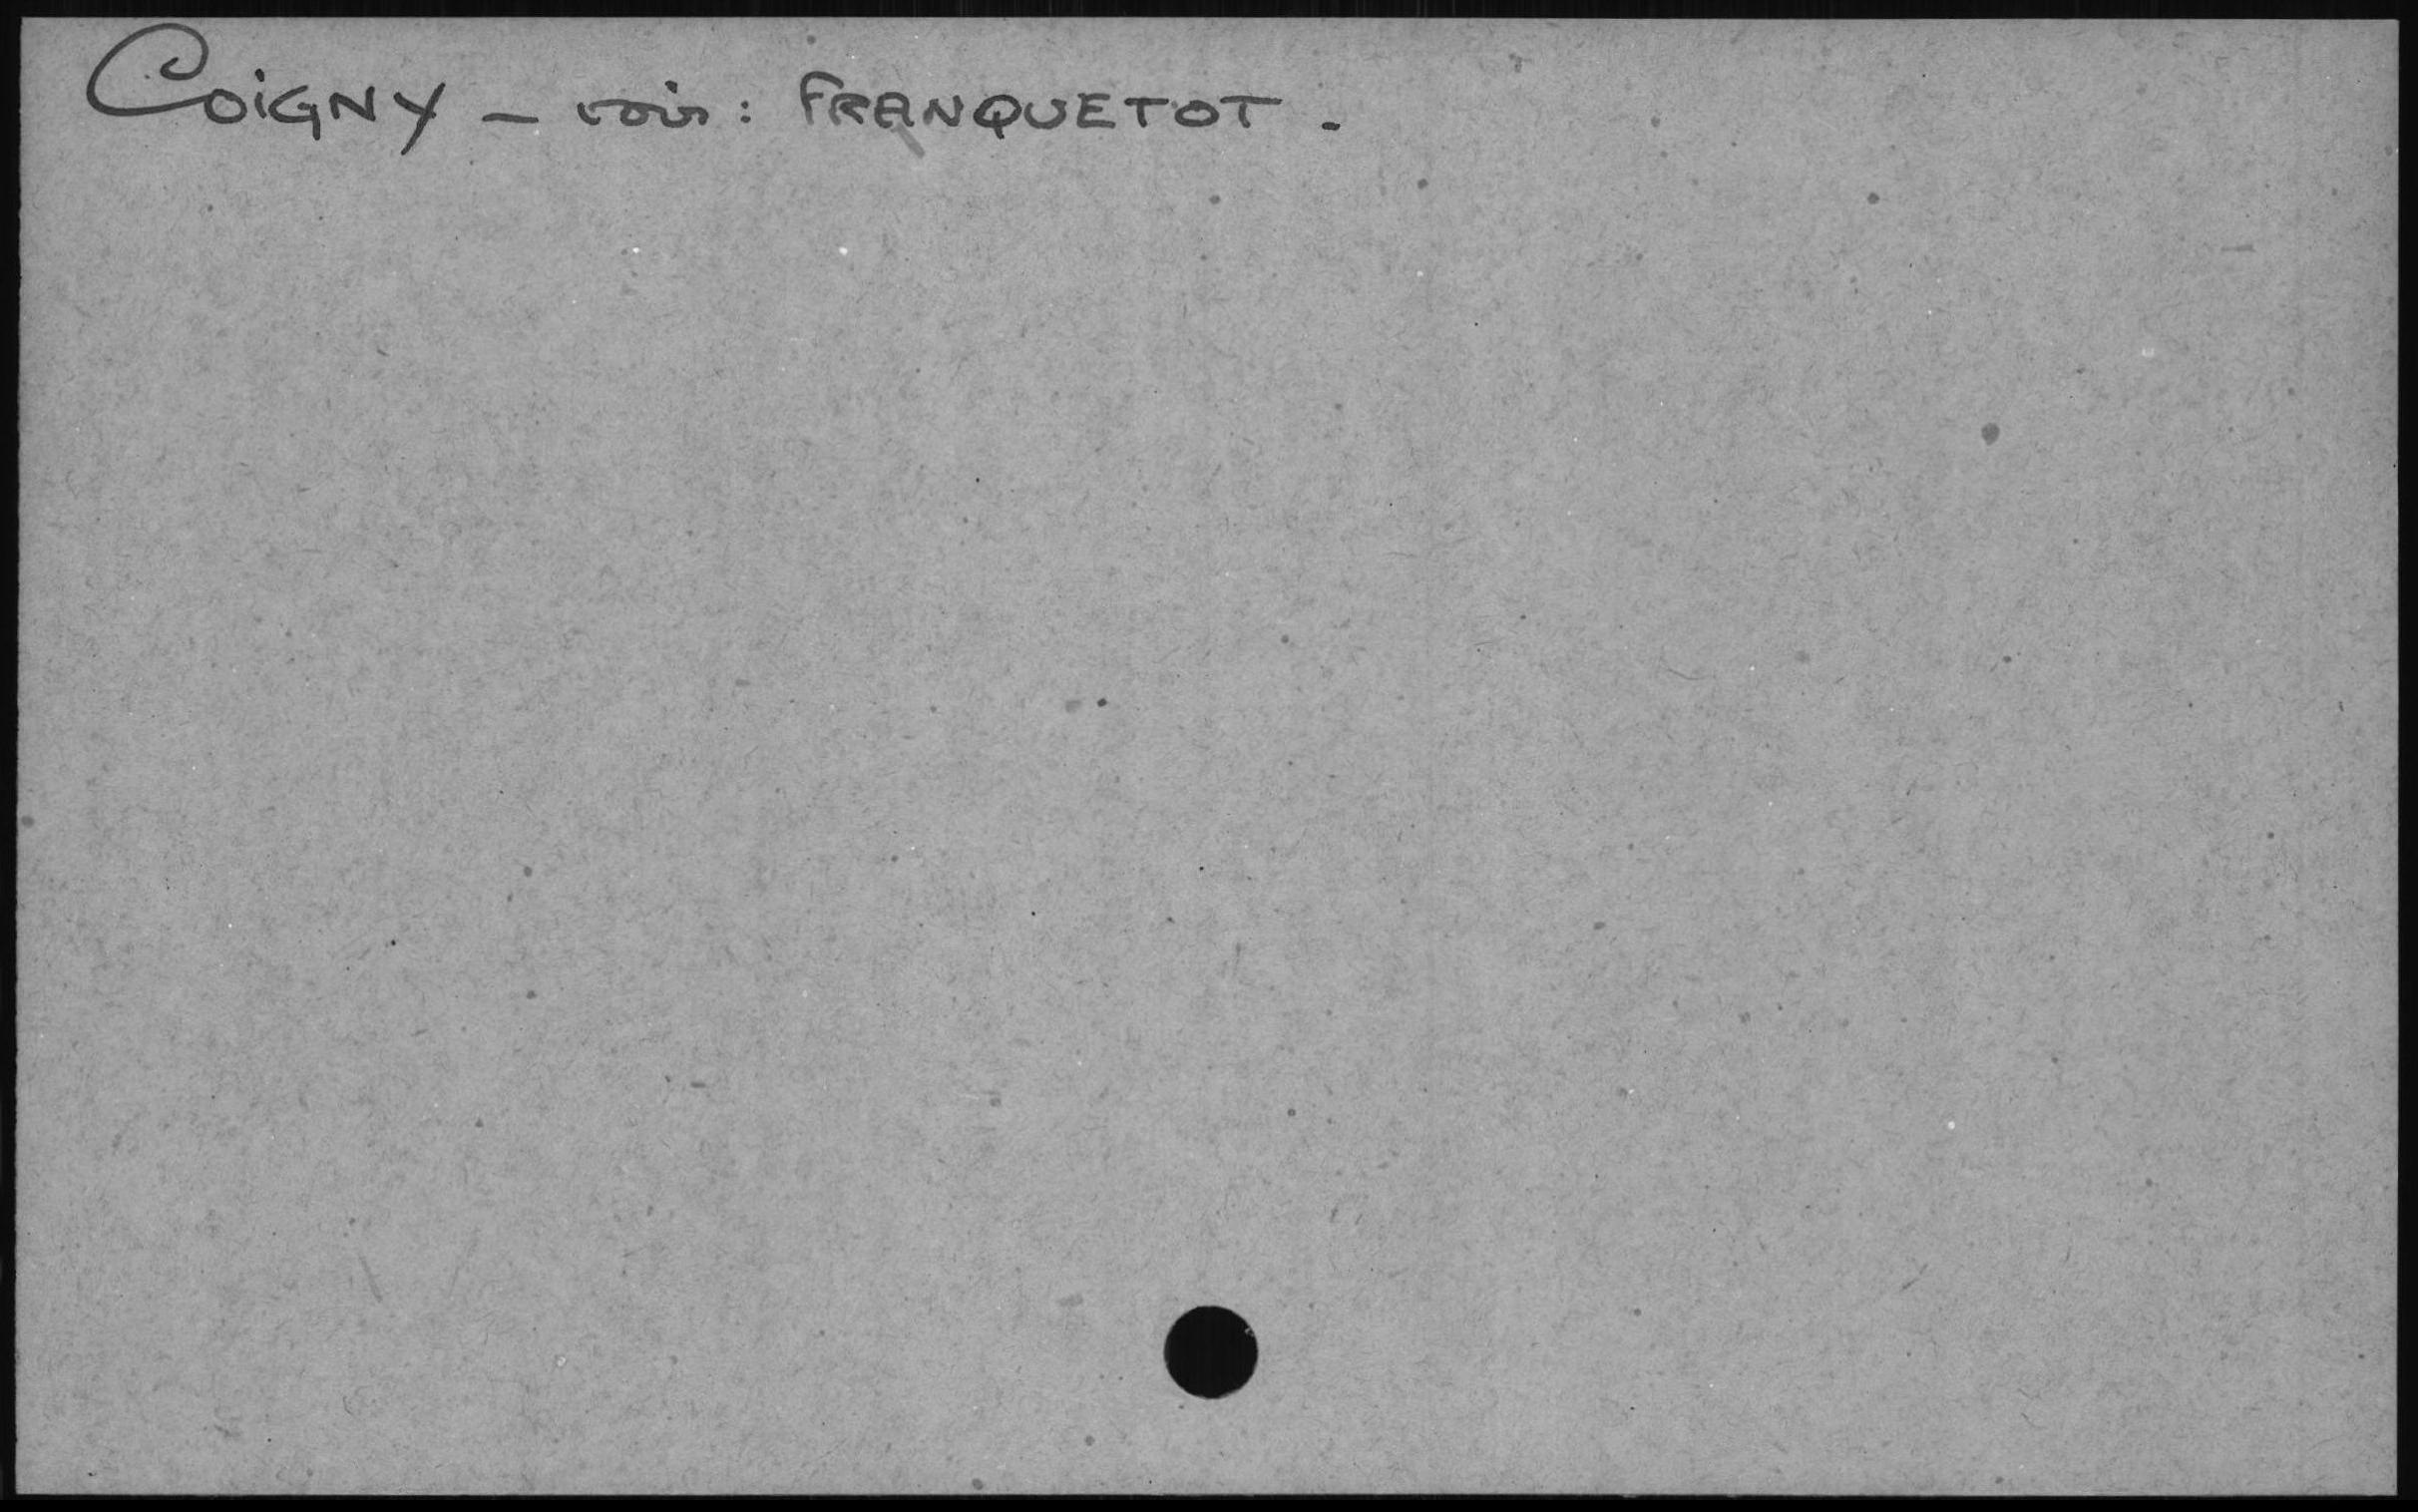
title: COIGNY - voir FRANQUETOT
